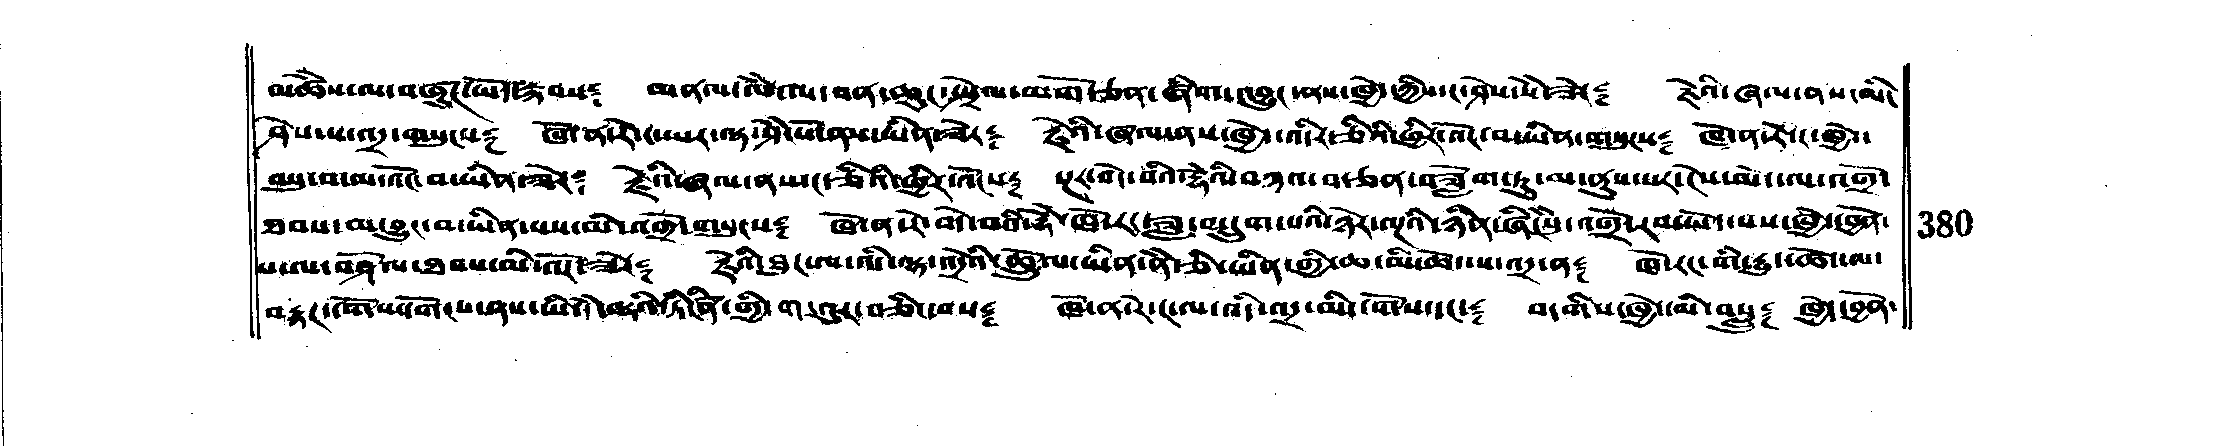མཚམས་ལ་བཞུགས་ཡོད་སྐབས། མནལ་ལམ་ལ་བན་ཆུང་སྤྲེལ་མགོ་ཅན་ཞིག་བྱུང་ནས་ཁྱེད་ཀྱིས་ང་ཤེས་སམ་ཟེར། རྗེའི་ཞལ་ནས་མི་
ཤེས་པ་འདྲ་གསུངས། ཁོ་ན་རེ་ང་ཡར་ལྷ་ཤམ་པོ་ནས་ཡིན་ཟེར། རྗེའི་ཞལ་ནས་ཁྱེད་འདིར་ཅིའི་ཕྱིར་འོང་བ་ཡིན་གསུངས། ཁོ་ན་རེ་ང་ཁྱེད་
བསུ་བ་ལ་འོང་བ་ཡིན་ཟེར། རྗེའི་ཞལ་ནས་ང་ཅིའི་ཕྱིར་འོང་། སྔར་བདེ་བའི་རྡོ་རྗེའི་བཀའ་བཙན་བཟློག་ཏུ་མ་ནུས་པར་ངེས་མེད་ལ་འགྲོ་
ཐབས་མ་བྱུང་བ་ཡིན་པས་མི་འགྲོ་གསུངས། ཁོ་ན་རེ་བདེ་བའི་རྡོ་རྗེ་ཁོ་རང་ཟླ་བ་དྲུག་པའི་ཉེར་ལྔའི་ཉིན་ཞིང་ཁམས་སུ་འགྲོ་རབ་ཡོད་པས་ཁྱེད་བྱོན་
པ་ལ་བཤོལ་ཐབས་མི་འོང་ཟེར། རྗེའི་ཐུགས་ལ་འདི་ལྷ་འདྲེའི་ཆོ་འཕྲུལ་ཡིན་ནམ་ཅི་ཡིན་གྱི་ཆ་མི་ཆོད་པ་འདྲ་ན། ཁོ་རང་གི་རྒྱུད་ཚོད་ལ་
བརྟགས་དགོས་དགོངས་ནས་ཡི་དམ་ལྷའི་ཏིང་འཛིན་གྱི་ག་འུར་བཅིང་བས། ཁོ་ན་རེ་ང་ལ་འདི་འདྲ་མི་དགོས་དང་། བདག་གིས་ཁྱེད་མི་བསླུ། ཁྱེད་བྱོན་